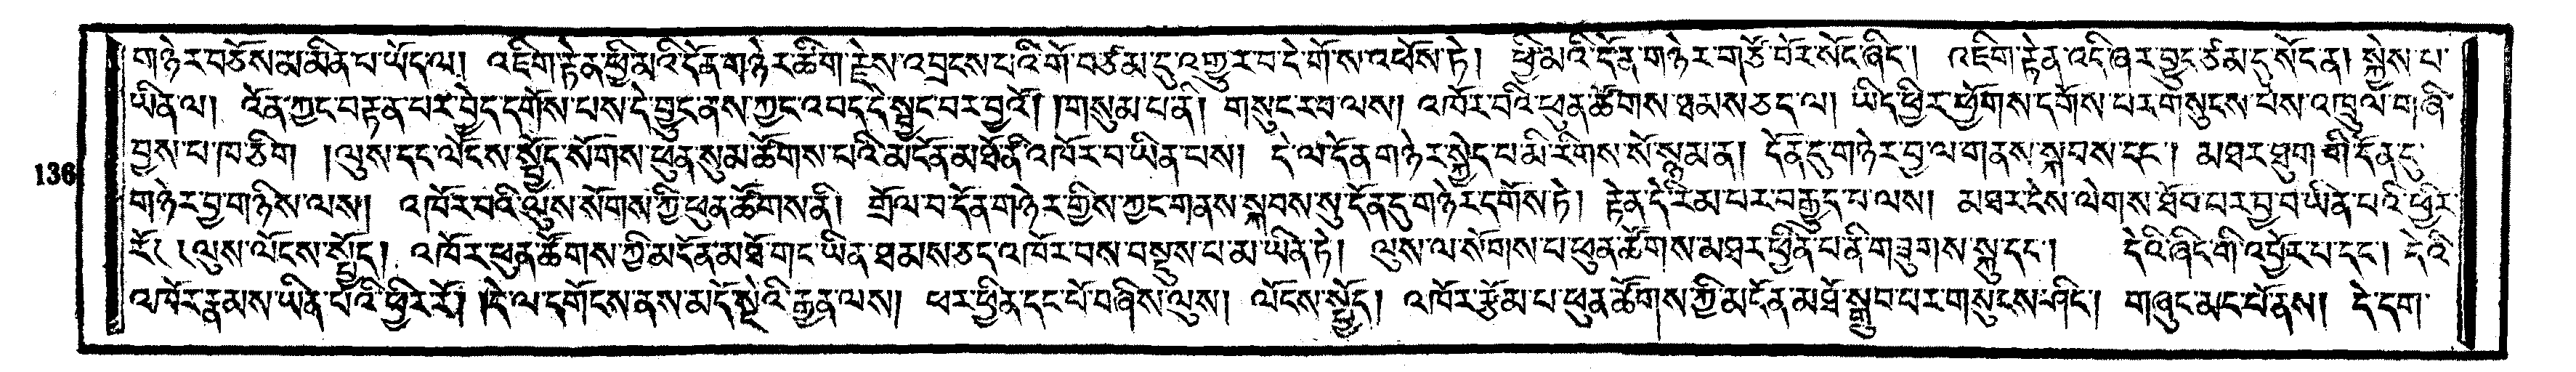གཉེར་བཅོས་མ་མིན་པ་ཡོད་ལ། འཇིག་རྟེན་ཕྱི་མའི་དོན་གཉེར་ཚིག་རྗེས་འབྲངས་པའི་གོ་བ་ཙམ་དུ་འགྱུར་བ་དེ་གོ་ས་འཕོས་ཏེ། ཕྱི་མའི་དོན་གཉེར་གཙོ་བོར་སོང་ཞིང་། འཇིག་རྟེན་འདི་ཞར་བྱུང་ཙམ་དུ་སོང་ན། སྐྱེས་པ་
ཡིན་ལ། འོན་ཀྱང་བརྟན་པར་བྱེད་དགོས་པས་དེ་བྱུང་ནས་ཀྱང་འབད་དེ་སྦྱང་བར་བྱའོ། །གསུམ་པ་ནི། གསུང་རབ་ལས། འཁོར་བའི་ཕུན་ཚོགས་ཐམས་ཅད་ལ། ཡིད་ཕྱིར་ཕྱོགས་དགོས་པར་གསུངས་པས་འཁྲུལ་གཞི་
བྱས་པ་ཁ་ཅིག །ལུས་དང་ལོངས་སྤྱོད་སོགས་ཕུན་སུམ་ཚོགས་པའི་མངོན་མཐོ་ནི་འཁོར་བ་ཡིན་པས། དེ་ལ་དོན་གཉེར་སྐྱེད་པ་མི་རིགས་སོ་སྙམ་ན། དོན་དུ་གཉེར་བྱ་ལ་གནས་སྐབས་དང་། མཐར་ཐུག་གི་དོན་དུ་
གཉེར་བྱ་གཉིས་ལས། འཁོར་བའི་ལུས་སོགས་ཀྱི་ཕུན་ཚོགས་ནི། གྲོལ་བ་དོན་གཉེར་གྱིས་ཀྱང་གནས་སྐབས་སུ་དོན་དུ་གཉེར་དགོས་ཏེ། རྟེན་དེ་རིམ་པར་བརྒྱུད་པ་ལས། མཐར་ངེས་ལེགས་ཐོབ་བར་བྱ་བ་ཡིན་པའི་ཕྱིར་
རོ༑ ༑ལུས་ལོངས་སྤྱོད། འཁོར་ཕུན་ཚོགས་ཀྱི་མདོན་མཐོ་གང་ཡིན་ཐམས་ཅད་འཁོར་བས་བསྡུས་པ་མ་ཡིན་ཏེ། ལུས་ལ་སོགས་པ་ཕུན་ཚོགས་མཐར་ཕྱིན་པ་ནི་གཟུགས་སྐུ་དང་། དེའི་ཞིང་གི་འབྱོར་པ་དང་། དེའི་
འཁོར་རྣམས་ཡིན་པའི་ཕྱིར་རོ། །དེ་ལ་དགོངས་ནས་མདོ་སྔེའི་རྒྱན་ལས། ཕར་ཕྱིན་དང་པོ་བཞིས་ལུས། ལོངས་སྤྱོད། འཁོར་རྩོམ་པ་ཕུན་ཚོགས་ཀྱི་མངོན་མཐོ་སྒྲུབ་པར་གསུངས་ཤིང་། གཞུང་མང་པོ་ནས། དེ་དག་